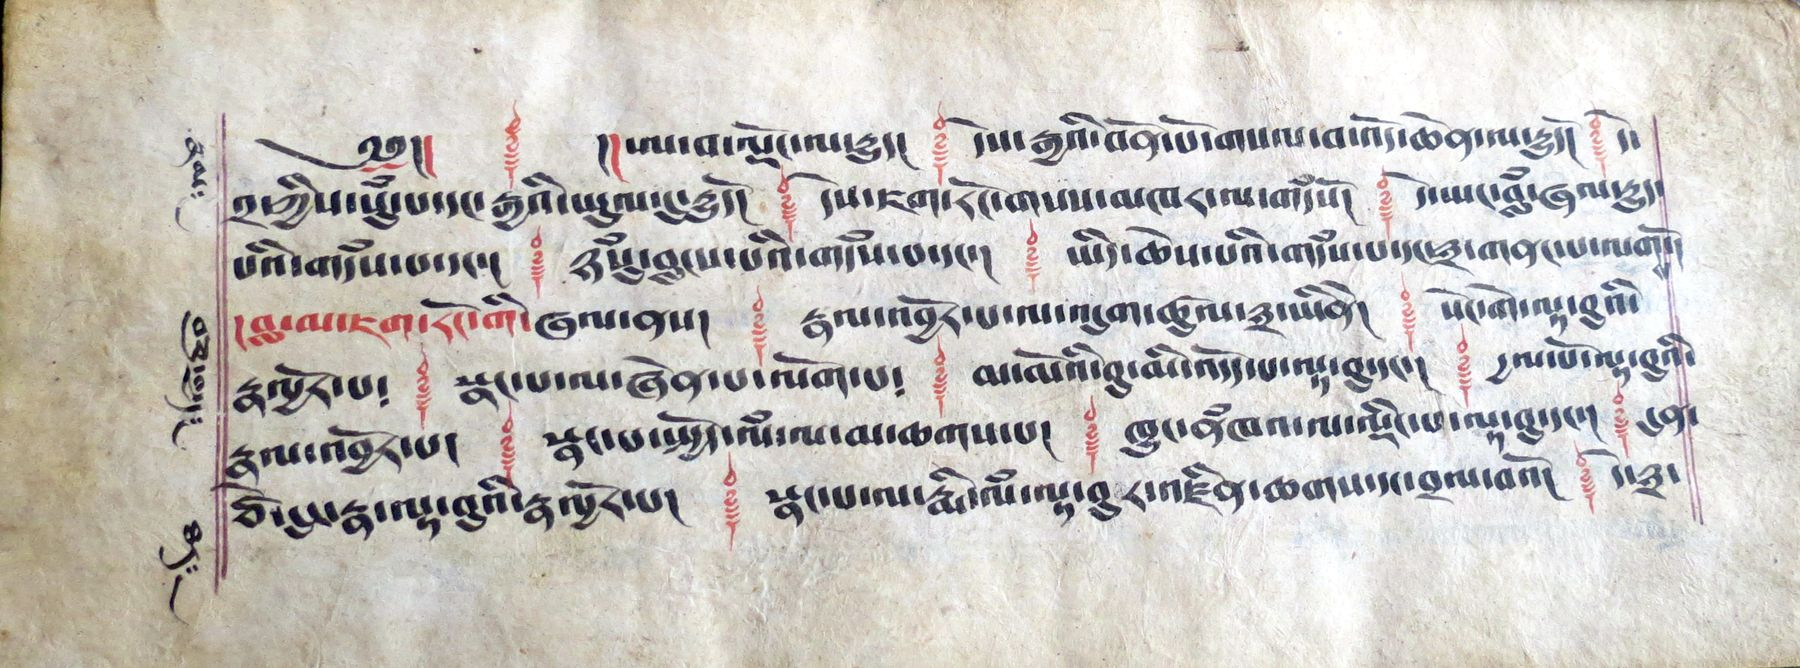ཨ་བ་ལྡོང་ལ་བརྒྱུད། དེས་རྒྱའི་བོན་པོ་གསལ་བ་འོད་ཆེན་ལ་བརྒྱུད་དོ། ། དེ་
གཉིས་ཀྱིས་སུམ་པ་དང་རྒྱའི་ཡུལ་དུ་བརྒྱུད་དོ། ། དེས་ཇག་རོང་གསས་མཁར་ལ་གདམས་སོ། ། དེ་ཡང་བླ་མའི་ཞལ་བརྒྱུད་
པའི་གདམས་པ་དང་། ཉམས་སུ་བླངས་པའི་གདམས་པ་དང་། ཡིད་ཆེས་པའི་གདམས་པ་དང་གསུམ་གནང་པ་ལགས་སོ། ། 
བླ་མ་ཇག་རོང་གི་ཞལ་ནས། རྣལ་འབྱོར་པ་ལ་འདུག་ཚུལ་གསུམ་ཡིན་ཏེ། སེང་གེ་ལྟ་བུའི་
རྣལ་འབྱོར་པ། སྣང་བ་ལ་ཞེན་པ་ལོག་པ། མ་མོ་བུ་མི་འདོད་པ་ལྟ་བུ་དང་། རྒྱལ་པོ་ལྟ་བུའི་
རྣལ་འབྱོར་པ། སྣང་བ་ལ་སྤྱོད་ལ་མ་ཆགས་པ། ཁྱུང་ནམ་མཁའ་ལ་ལྡིང་བ་ལྟ་བུ་དང་། དུན་
ཙེ་དུང་རྣ་ལྟ་བུའི་རྣལ་འབྱོར་པ། སྣང་བ་ལ་རྨི་ལམ་ལྟ་བུར་འཛིན་ཆགས་དང་བྲལ་བའོ། ། དེ་གསུམ་